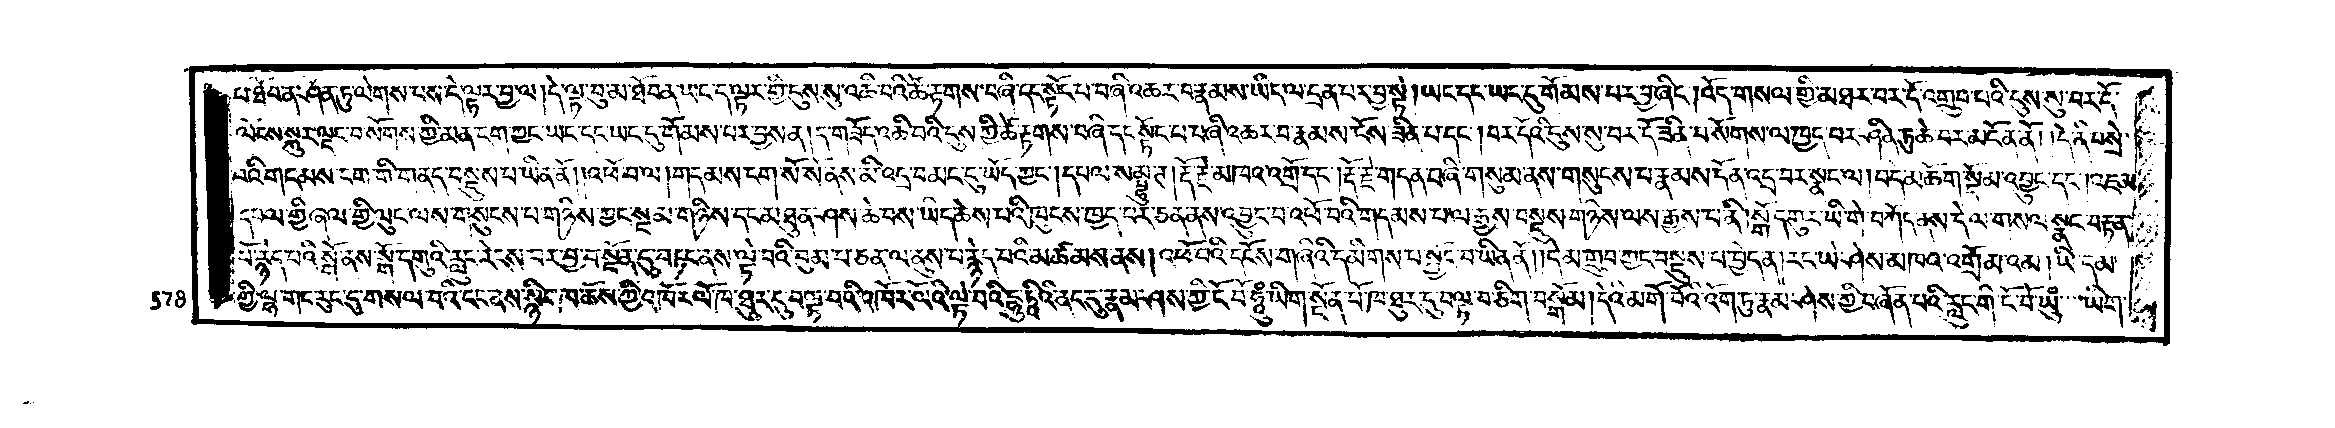པ་ཐོབ་ན་ཤིན་ཏུ་ལེགས་པས་དེ་ལྟར་བྱ་ལ། དེ་ལྟ་བུ་མ་ཐོབ་ན་ཡང་ད་ལྟར་གྱི་དུས་སུ་འཆི་བའི་ཚེ་རྟགས་བཞི་དང་སྟོང་པ་བཞི་འཆར་བ་རྣམས་ཡིད་ལ་དྲན་པར་བྱ་སྟེ། ཡང་དང་ཡང་དུ་གོམས་པར་བྱ་ཞིང་། འོད་གསལ་གྱི་མཐར་བར་དོ་འགྲུབ་པའི་དུས་སུ་བར་དོ་
ལོངས་སྐུར་ལྡང་བ་སོགས་ཀྱི་མན་ངག་ཀྱང་ཡང་དང་ཡང་དུ་གོམས་པར་བྱས་ན། ད་གཟོད་འཆི་བའི་དུས་ཀྱི་ཚེ་རྟགས་བཞི་དང་སྟོང་པ་བཞི་འཆར་བ་རྣམས་ངེས་ཟིན་པ་དང་། བར་དོའི་དུས་སུ་བར་དོ་ཟིན་པ་སོགས་ལ་ཁྱད་པར་ཤིན་ཏུ་ཆེ་བར་མངོན་ནོ། །དེ་ནི་བསྲེ་
བའི་གདམས་ངག་གི་གནད་བསྡུས་པ་ཡིན་ནོ། །འཕོ་བ་ལ། གདམས་ངག་སོ་སོ་ནས་མི་འདྲ་བ་མང་དུ་ཡོད་ཀྱང་། དཔལ་སམྦྷུ་ཊ། རྡོ་རྗེ་མཁའ་འགྲོ་དང་། རྡོ་རྗེ་གདན་བཞི་གསུམ་ནས་གསུངས་པ་རྣམས་དོན་འདྲ་བར་སྣང་ལ། བདེ་མཆོག་སྡོམ་འབྱུང་དང་། འཇམ་
དཔལ་གྱི་ཞལ་གྱི་ལུང་ལས་གསུངས་པ་གཉིས་ཀྱང་སྔ་མ་གཉིས་དང་མཐུན་ཤས་ཆེ་བས་ཡིད་ཆེས་པའི་ཁུངས་ཁྱད་པར་ཅན་ནས་འབྱུང་བ་འཕོ་བའི་གདམས་པ་ལ་རྒྱས་བསྡུས་གཉིས་ལས་རྒྱས་པ་ནི། སྒོ་དགུར་ཡི་གེ་བཀོད་ནས་དེ་ལ་གསལ་སྣང་བརྟན་
པོ་རྙེད་པའི་སྒོ་ནས་སྒོ་དགུའི་རླུང་རེངས་པར་བྱ་བ་སྔོན་དུ་བཏང་ནས་ལྟེ་བའི་བུམ་པ་ཅན་ལ་ནུས་པ་རྙེད་པའི་མཚམས་ནས། འཕོ་བའི་དངོས་གཞིའི་དམིགས་པ་སྐྱོང་བ་ཡིན་ནོ། །དེ་མ་གྲུབ་ཀྱང་བསྡུས་པ་བྱེད་ན། རང་ཡེ་ཤེས་མཁའ་འགྲོ་མའམ། ཡི་དམ་
གྱི་ལྷ་གང་རུང་དུ་གསལ་བའི་ངང་ནས་སྙིང་ཁ་ཆོས་ཀྱི་འཁོར་ལོ་ཁ་ཐུར་དུ་བལྟ་བའི་འཁོར་ལོའི་ལྟེ་བའི་དྷུ་ཏཱིའི་ནང་དུ་རྣམ་ཤེས་ཀྱི་ངོ་བོ་ཧཱུཾ་ཡིག་སྔོན་པོ་ཁ་ཐུར་དུ་བལྟ་བ་ཅིག་བསྒོམ། དེའི་མགོ་བོའི་འོག་ཏུ་རྣམ་ཤེས་ཀྱི་བཞོན་པའི་རླུང་གི་ངོ་བོ་ཡུཾ་ཡིག་